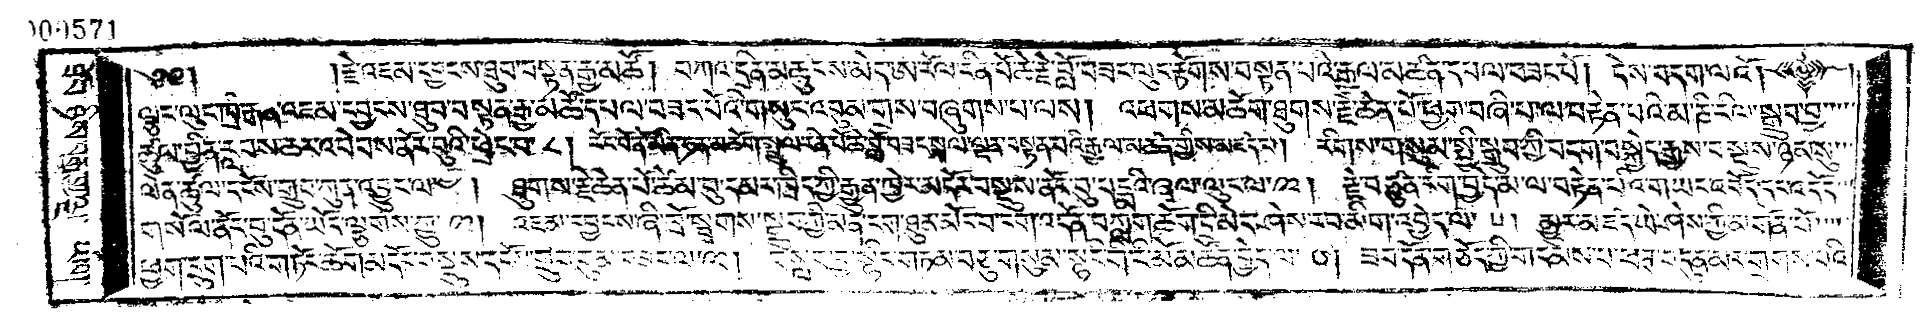༄༅། །རྗེ་འཇམ་དབྱངས་ཐུབ་བསྟན་རྒྱ་མཚོ། བཀའ་དྲིན་མཚུངས་མེད་ཨ་རོལ་རིན་པོ་ཆེ་རྗེ་བློ་བཟང་ལུང་རྟོགས་བསྟན་པའི་རྒྱལ་མཚན་དཔལ་བཟང་པོ། དེས་བདག་ལའོ། ༈ །
ལྕང་ལུང་ཁྲི་རྒན་འཇམ་དབྱངས་ཐུབ་བསྟན་རྒྱ་མཚོ་དཔལ་བཟང་པོའི་གསུང་འབུམ་གྲས་བཞུགས་པ་ལས། འཕགས་མཆོག་ཐུགས་རྗེ་ཆེན་པོ་ཕྱག་བཞི་པ་ལ་བརྟེན་པའི་མ་ཎི་རིལ་སྒྲུབ་བྱ་
ཚུལ་བྱིན་རླབས་ཆར་འབེབས་ནོར་བུའི་ཕྲེང་བ ༨། རོང་བོ་ནོ་མིན་ཧན་མཆོག་སྤྲུལ་རིན་པོ་ཆེ་བློ་བཟང་སྐལ་ལྡན་བསྟན་པའི་རྒྱལ་མཚན་གྱིས་མཛད་པ།  རིགས་གསུམ་སྤྱི་སྒྲུབ་ཀྱི་བདག་བསྐྱེད་རྒྱས་བསྡུས་ཉམ་སུ་
ལེན་ཚུལ་དངོས་གྲུབ་ཀུན་འབྱུང་ལ ༤། ཐུགས་རྗེ་ཆེན་པོ་ཚེམ་བུ་དམར་ཁྲིད་ཀྱི་རྒྱུན་ཁྱེར་མདོར་བསྡུས་ནོར་བུ་པདམའི་ཞལ་ལུང་ལ ༣། རྗེ་བཙུན་རིག་བྱེད་མ་ལ་བརྟེན་པའི་གཡང་འབོད་དང་འདོད་
གསོལ་ནོར་བུ་དོན་ཡོད་ལྕགས་ཀྱུ ༣། འཇམ་དབྱངས་ཞི་ཁྲོ་སྦྲགས་སྒྲུབ་ཀྱི་མན་ངག་ཐུན་མོང་བ་དག་འདོན་བཀླག་ཆོག་དྲི་མེད་ཤེས་རབ་མིག་འབྱེད་ལ ༥། མྱུར་མཛད་ཡེ་ཤེས་ཀྱི་མགོན་པོ་
ཕྱག་དྲུག་པའི་གཏོར་ཆོག་མདོར་བསྡུས་དངོས་གྲུབ་བུམ་བཟང་ལ ༣། བསླབ་བྱ་སྙིང་གཏམ་བཅུ་གསུམ་སྙིང་གི་རི་མོ་མཚོན་བྱེད་ལ ༦། ཟབ་དོན་གཅོད་ཀྱི་གདམས་པ་ཕཊ་བདུན་མར་གྲགས་པའི་